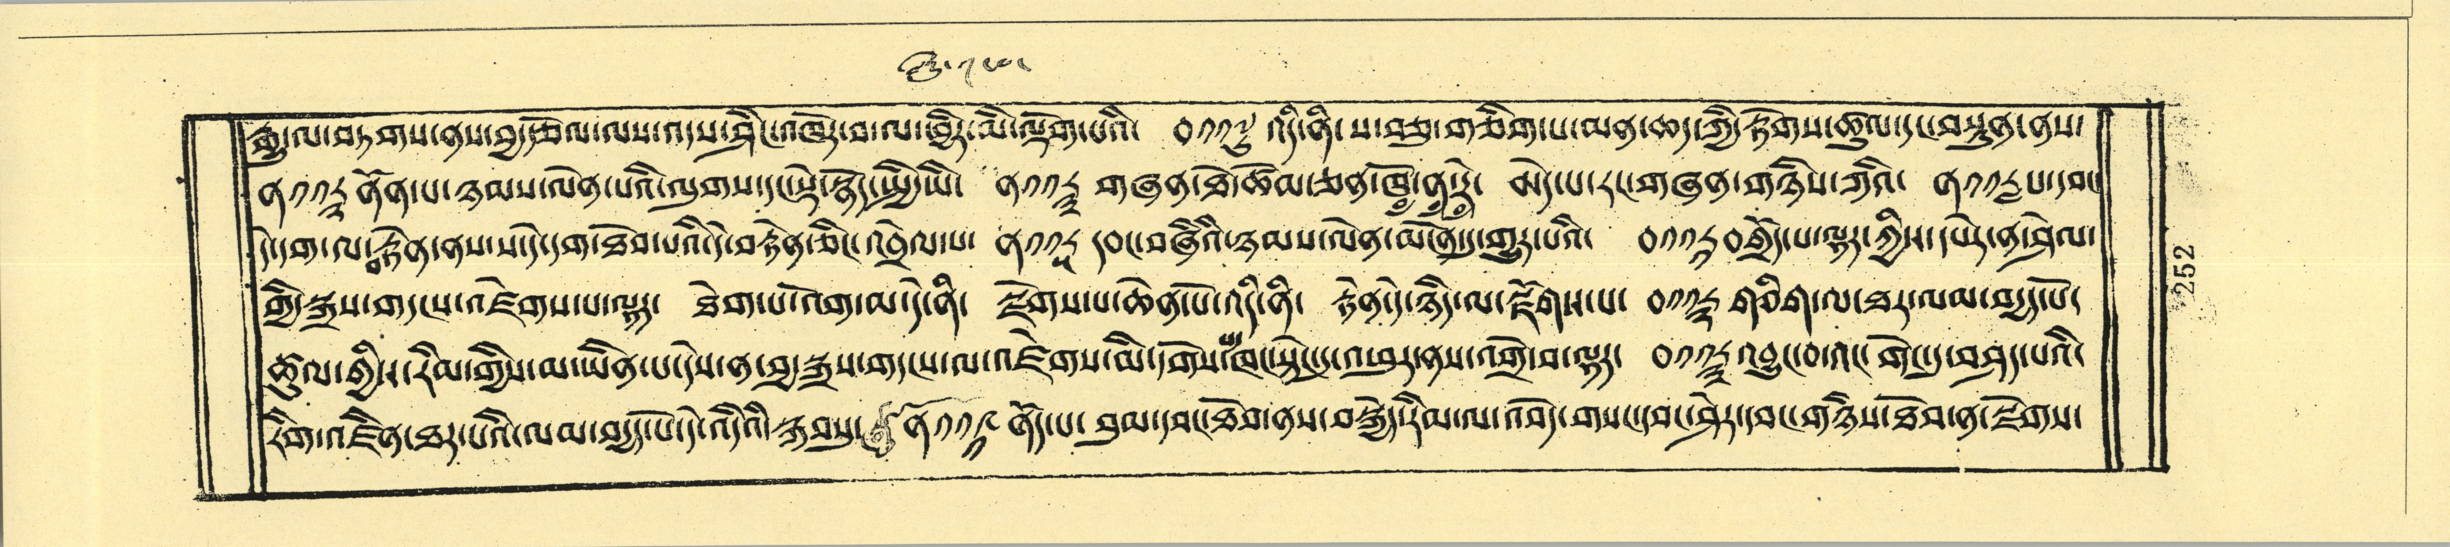རྒྱུ་ལ་བཏགས་ནས་བྱ་རྩོལ་ལས་འདས་ཤིང་འཁོར་བ་ལ་ཕྱིར་མི་ལྡོག་པའི། བ༡༡༧།༦ ༼འདི་ནི་༽ས་བཅུ་གཅིག་པ་མན་ཆད་ཀྱི་རྟོགས་ཚུལ་དང་བསྟུན་ནས་
ན༡༡༨།༢ ༼ནོན་༽པ་ཉམས་ལེན་པའི་ལུགས་དང་སྡེ་སྣོད་སྤྱི་ཡི་ན༡༡༨།༣ གཞན་ཐེ་ཚོམ་ཅན་ཁོ་ན་རེ། ༼མེད་པ་༽རང་གཞན་གཉིས་ཀའི་ན༡༡༨།༤ པ་དབང་
དེ་དག་ ༼ལ་༽བརྟེན་ནས་ས་དེ་དག་ཐོབ་པའི་དེ་བརྟེན་ཅིང་ ༼འབྲེལ་༽པ་ན༡༡༨།༥ ༼དབང་༽བཞིའི་ཉམས་ལེན་མངོན་དུ་གྱུར་པའི་བ༡༡༨།༡ ༼བགྲོད་༽པ་ལྟར་ ༼ཀྱིས་༽དཔེར་ན་ཤེལ་
གྱི་སྐྲས་གདངས་འཛེགས་པ་ལྟར། ཐེག་པ་འོག་མ་ ༼དེ་ནི་༽སྫོགས་པ་ཆེན་པོ་ ༼འདི་ནི་༽རྟེན་དེ་ཉིད་ལ་ ༼སྫོགས་པ་༽བ༡༡༨།༢ ༼གཅིག་ལ་༽ཐར་ལམ་བརྒྱད་པོ་ 
ཚུལ་གྱིས་རིམ་གྱིས་མ་ཡིན་པ་དེས་ན་བྱ་སྐྲས་གདངས་ལ་འཛེགས་མི་དགོས་པ་ཁང་སྟེང་དུ་འཕུར་ནས་འགྲོ་བ་ལྟར་བ༡༡༨།༣ ༼འབྱུང་བ་འང་༽གོང་དུ་བཤད་པའི་
རིག་འཛིན་ཐར་པའི་ལམ་བརྒྱད་པོ་དེ་འདིའི་སྐབས་སུ་ན༡༡༩།༡ ༼ནོད་པ་༽བུམ་དབང་ཐོབ་ནས་བསྐྱེད་རིམ་ལ་འབོད་གསང་དབང་ཤེར་དབང་གཉིས་ཐོབ་ན་སྫོགས་